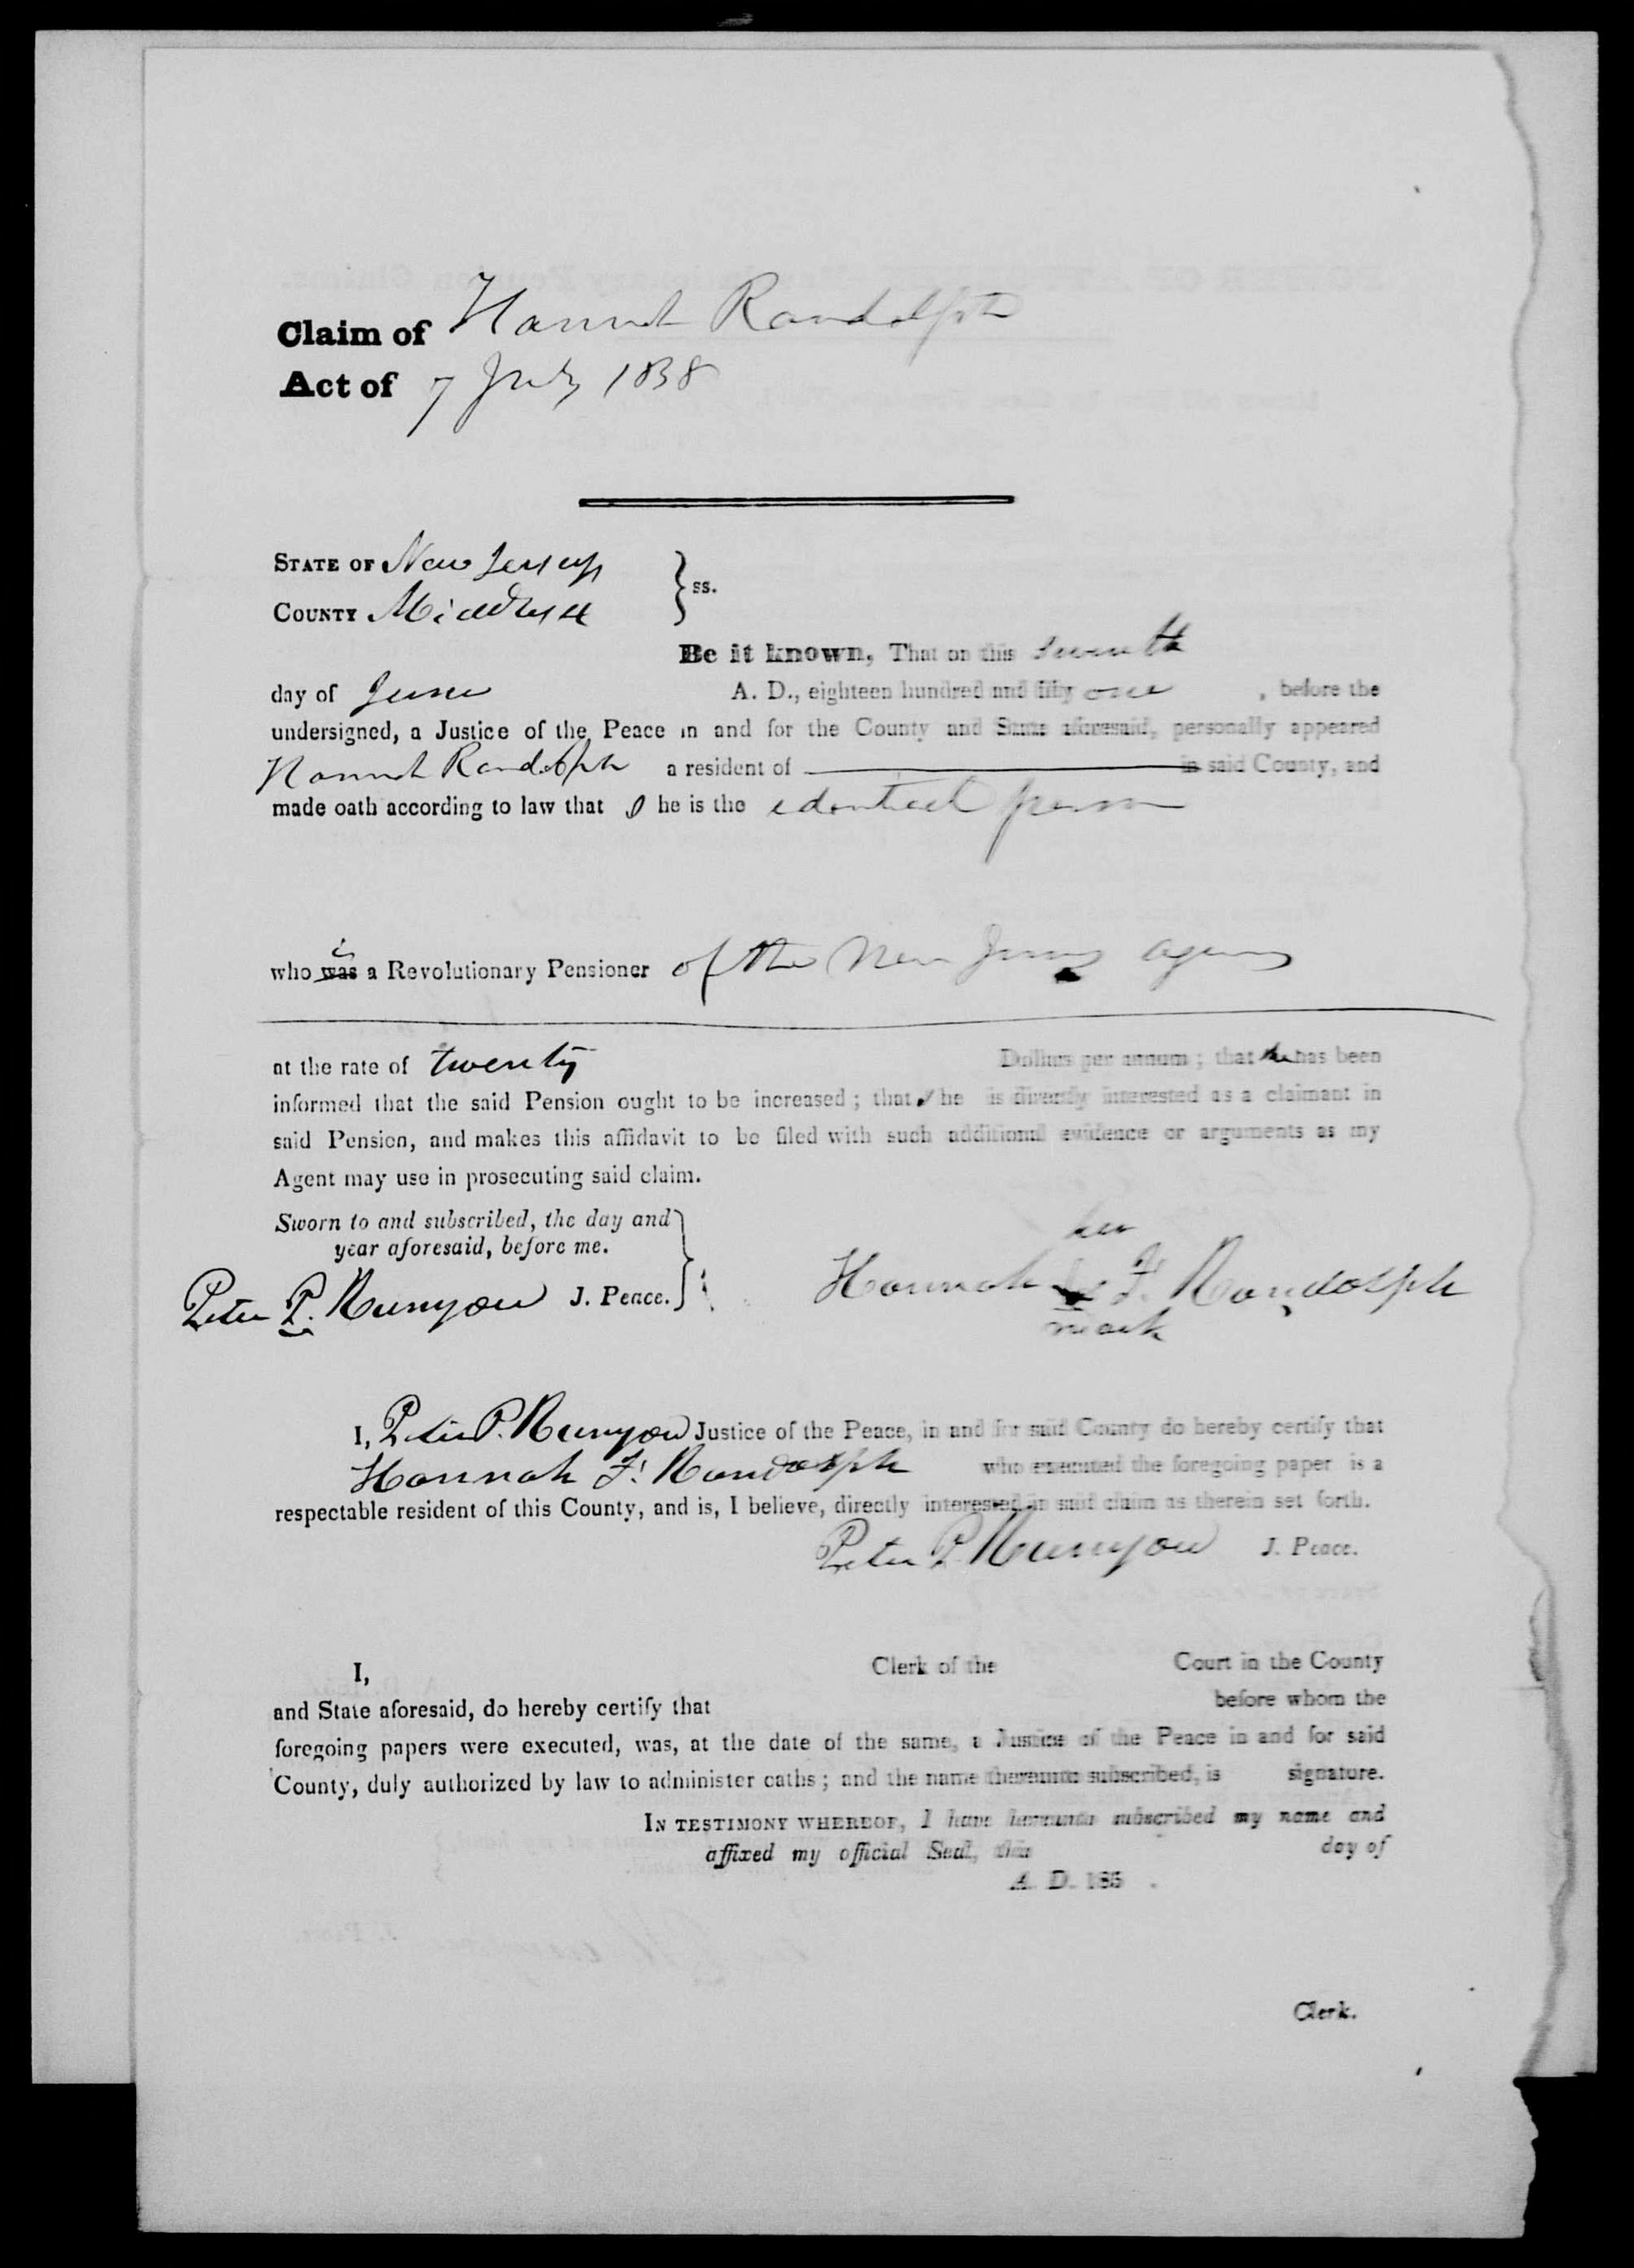Claim of Hannah Randolph
Act of 7 July 1838
STATE Of New Jersey
COUNTY Middlesex ss.
Be it known, That on this seventh day of June A.D., eighteen hundred and fifty one, before the undersigned, a Justice of the Peace in and for the County and State aforesaid, personally appeared Hannah Randolph a resident of --- in said County, and made oath according to law that she is the admited [admitted] person who is a Revolutionary Pensioner of the New Jersey afim
at the rate of twenty Dollars per annum; that she has been informed that the said Pension ought to be increased; that she is diversdly interested as a claimant in said Pension, and makes this affidavit to be filed with such additional guidance or arguments as my Agent may use in the prosecuting said claim.
Sworn to and subscribed, the day and year aforesaid, before me. Peter P. Runyon J. Peace.
Hannah F. Randolph her mark
I, Plin [Peter] P. Runyon Justice of the Peace, in and for said County do hereby certify that Hannah F. Randolph who executed the foregoing paper is a respectable resident fo this County, and is, I believe, directly interested in said claim as therein set forth
Peter P. Runyon J. Peace.
I, Clerk of the Court  in the County and Stat aforesaid, do hereby certify that before whom the foregoing papers were executed, was, at the date of the same, a Justice of the Peace in and for said County, duly authorized by law to administer oaths; and the name there [illegible] subscribed, is signature.
IN TESTIMONY WHEREOF, I have [illegible] subscribed my name and affixed my official Seal, this day of A. D. 183
Clerk.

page: 29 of 33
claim: widow's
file: W. 5,665, for Stelle F Randolph, New Jersey